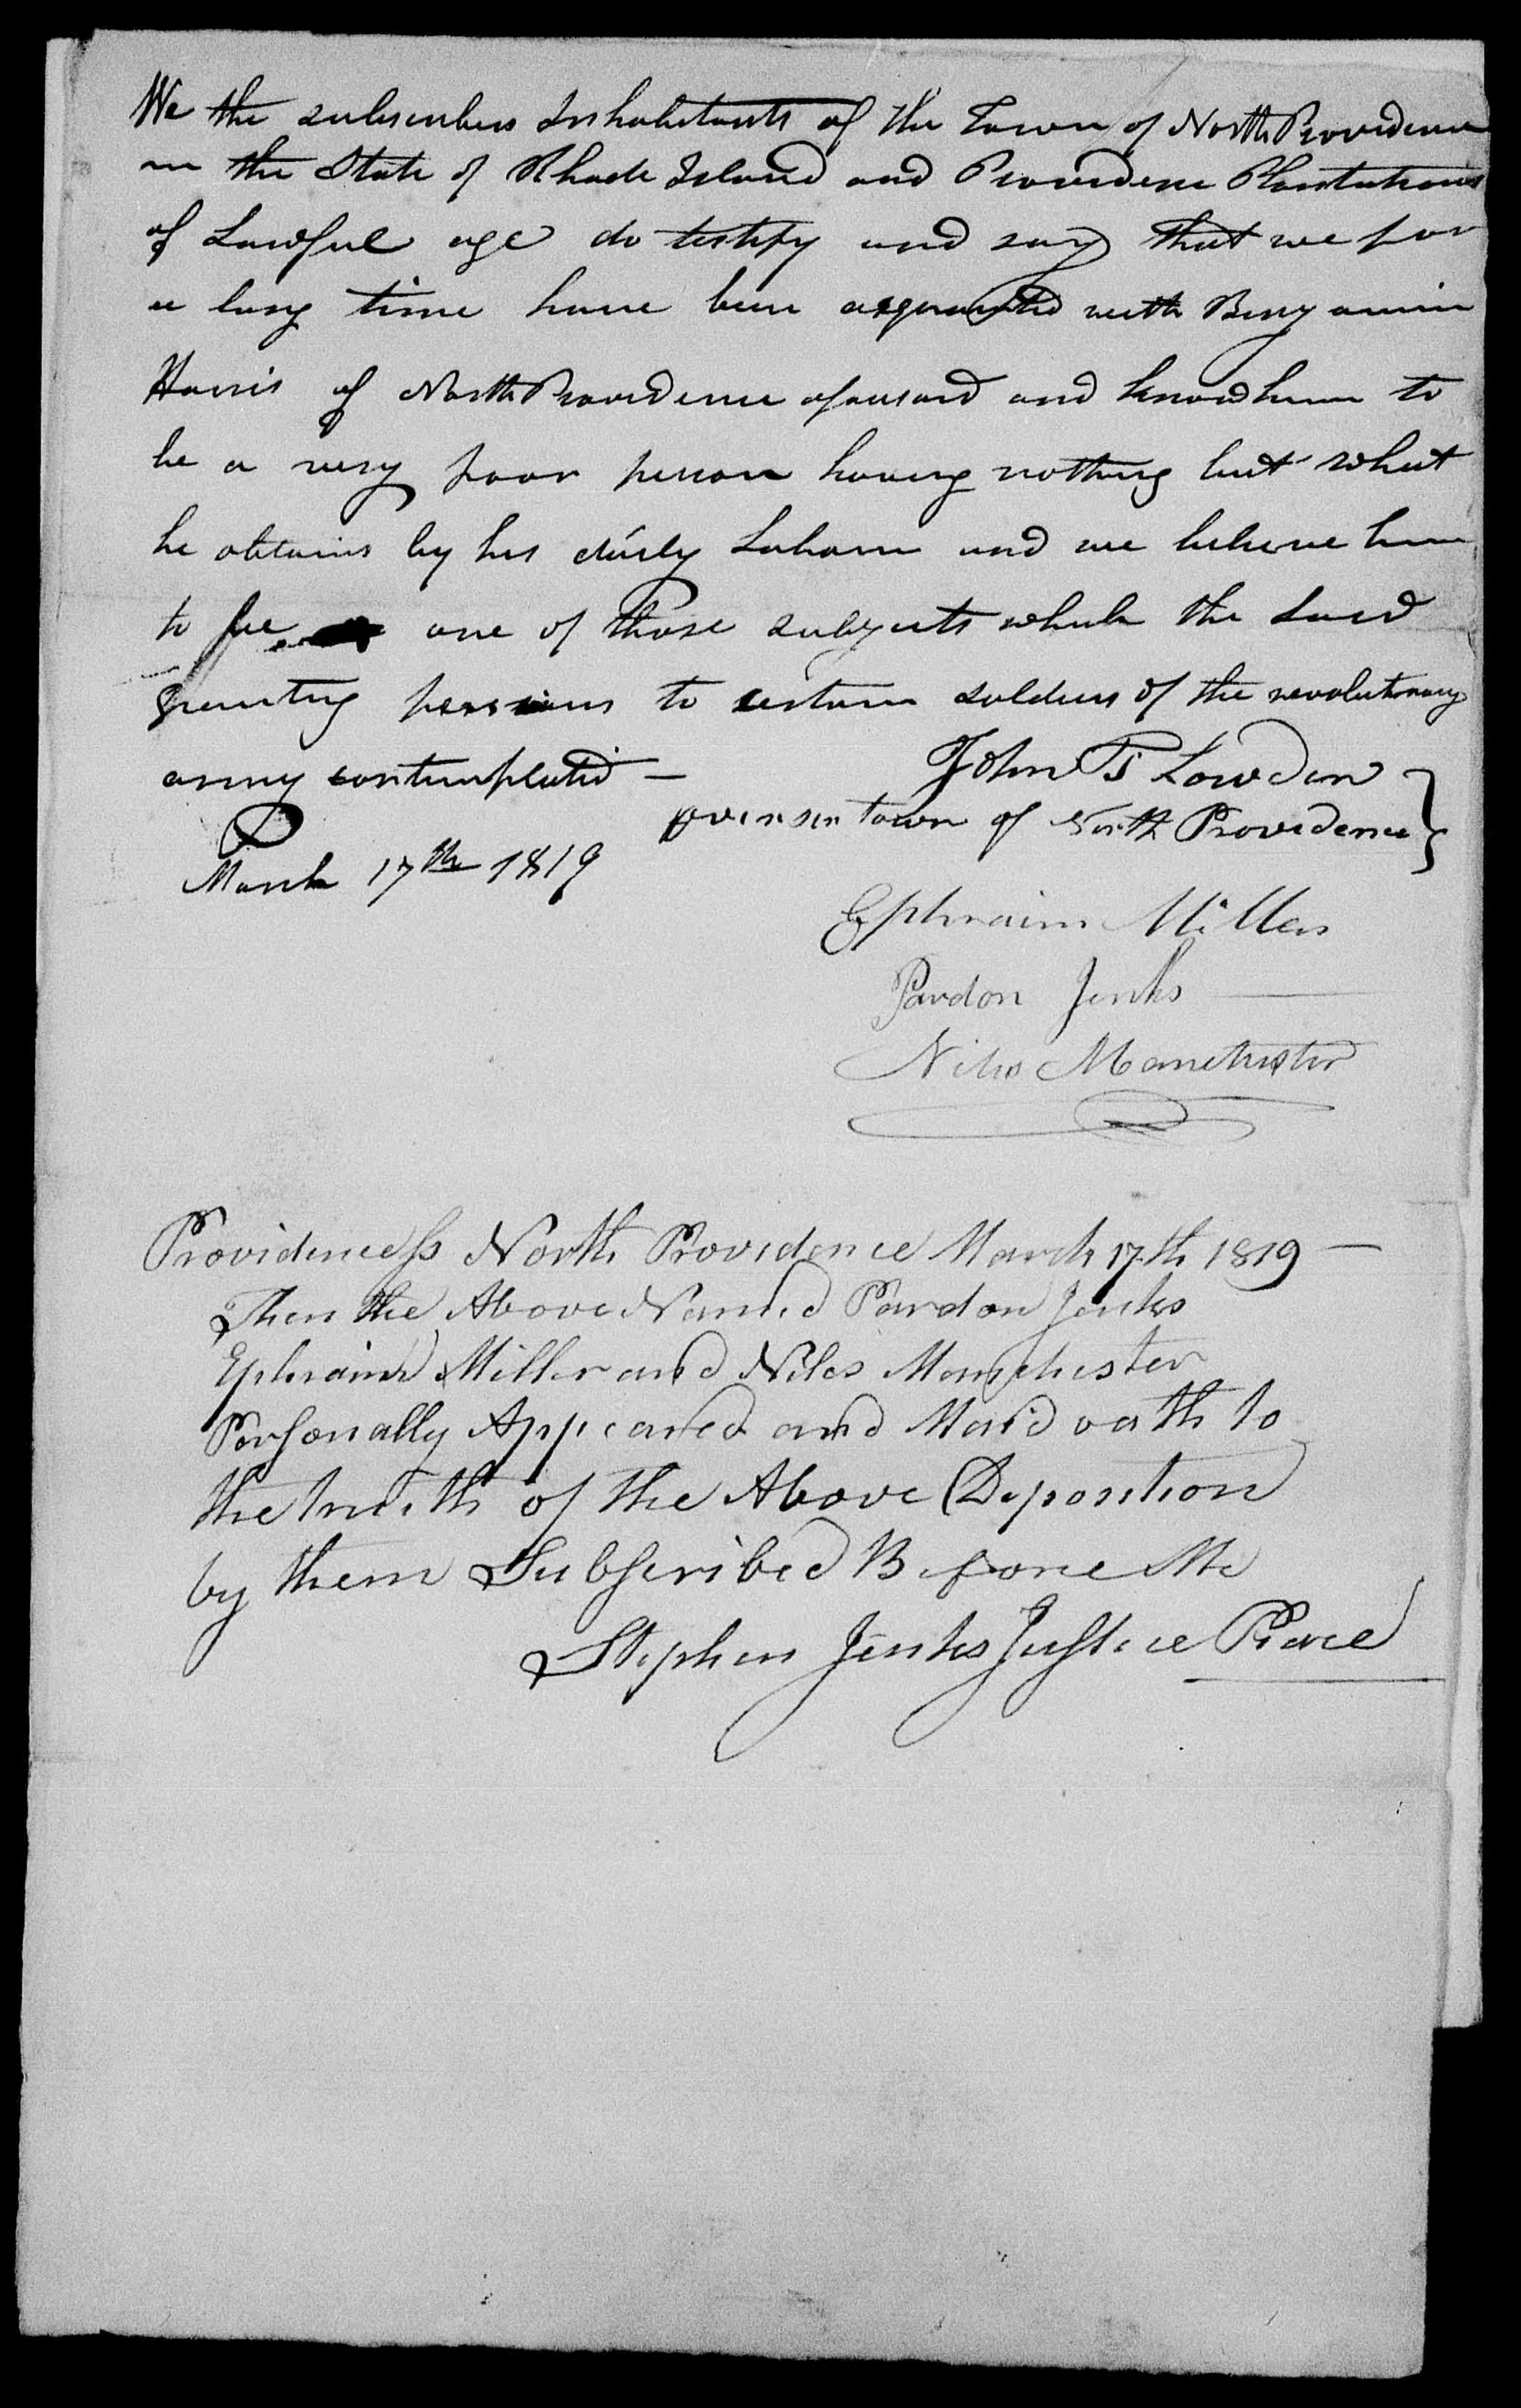We the subscribers Inhabitants of the Town of North Providence in the  State of Rhode Island and Providence Plantations of Lawful age do testify and say that we for a long time have been acquainted with Benjamin Harris of North Providence aforesaid and know him to be a very poor person having nothing but what he obtains by his daily labor and we believe him to be one of those subjects which the Land Granting pensions to certain soldiers of the revolutionary army contemplated - 
John Lowden
[illegible] in town of North Providence 
March 17th 1819  
Ephraim Miller 
Pardon Jenks 
Niles Manchester 

Providence ss North Providence March 17th 1819- 
Then the above Named Pardon Jinks Ephraim Miller and Niles Manchester Personally Appeared and made oath to the truth of the above Deposition by them Subscribed before Me
Stephen Jinks Justice Peace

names: Pardon Jenks, Ephraim Miller, John T Lowden, Benjamin Harris, Niles Manchester, Stephen Jinks, Ephraim Miller, Pardon Jenks, Niles Manchester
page: 11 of 62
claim: survivor's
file: S. 38816, Benjamin Harris, Mass.